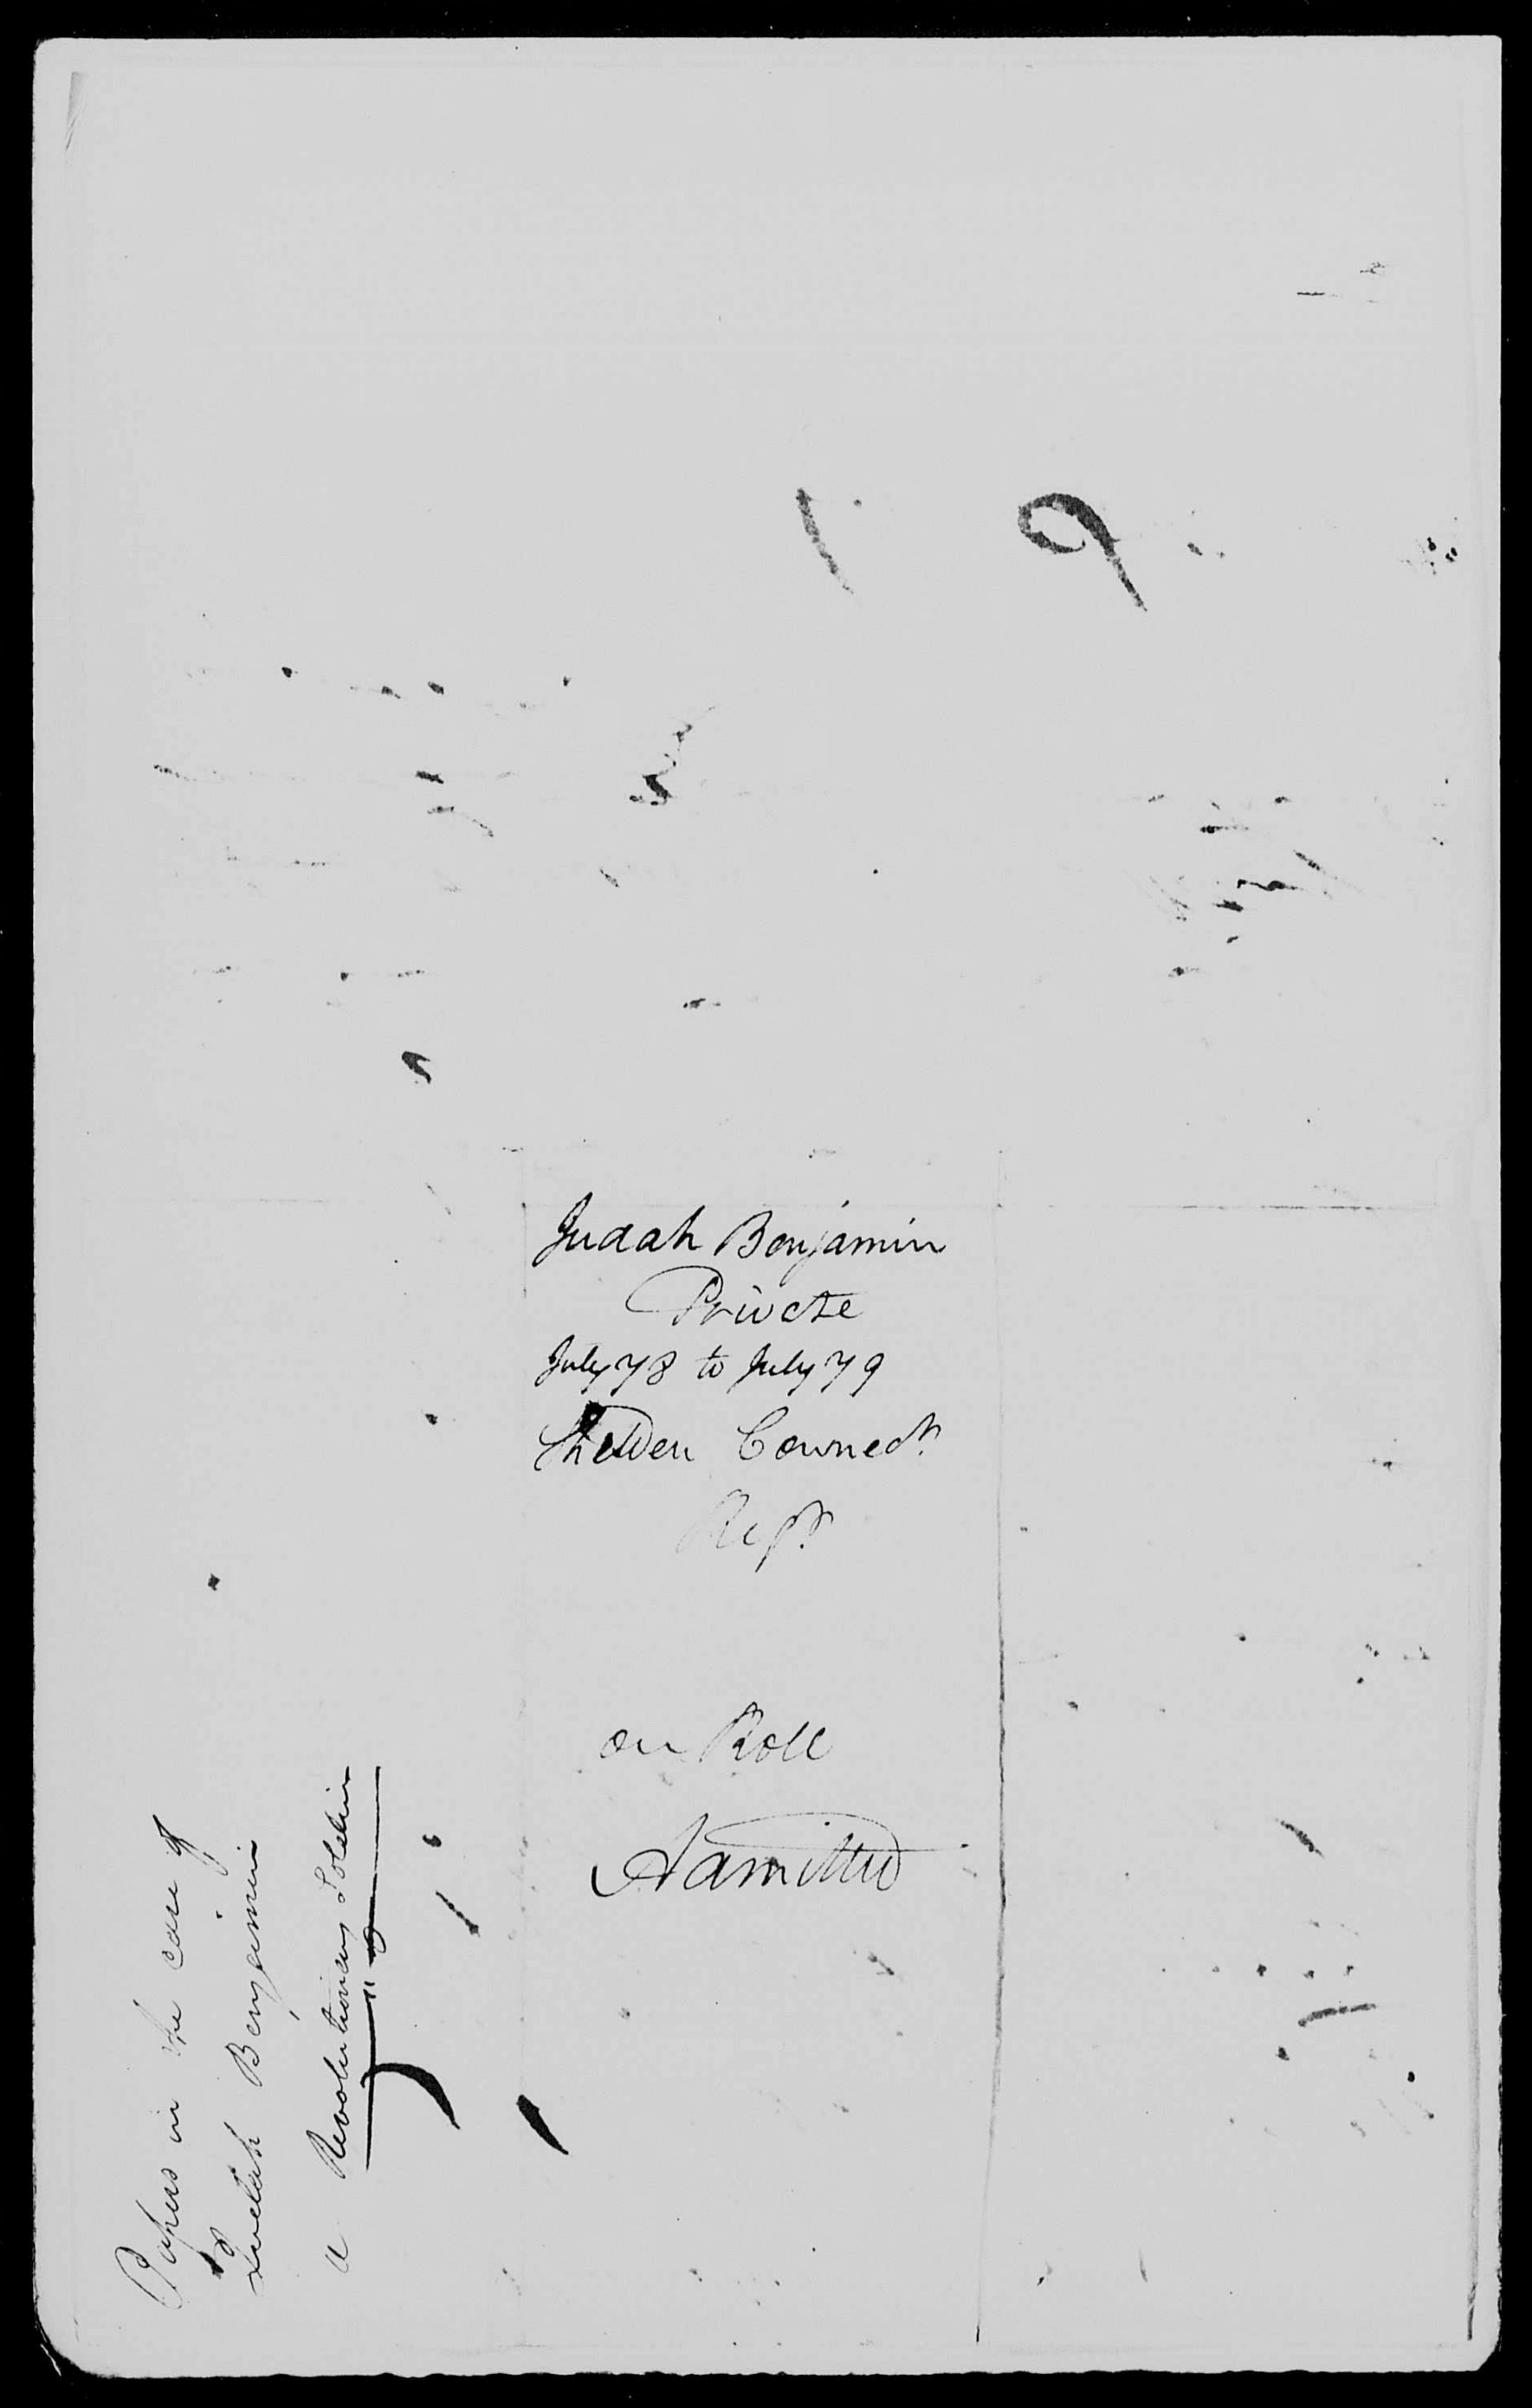[along left edge]
Papers in the case of
Judah Benjamin
a Revolutionary Soldier


Judah Benjamin
Private
July 78 to July 79
[Thewen Cowned?]
Regr

on Roll
Admitted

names: Judah Benjamin, Judah Benjamin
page: 16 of 34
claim: survivor's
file: S. 39981, Judah Benjamin, Continental (N. H. And N. Y.)